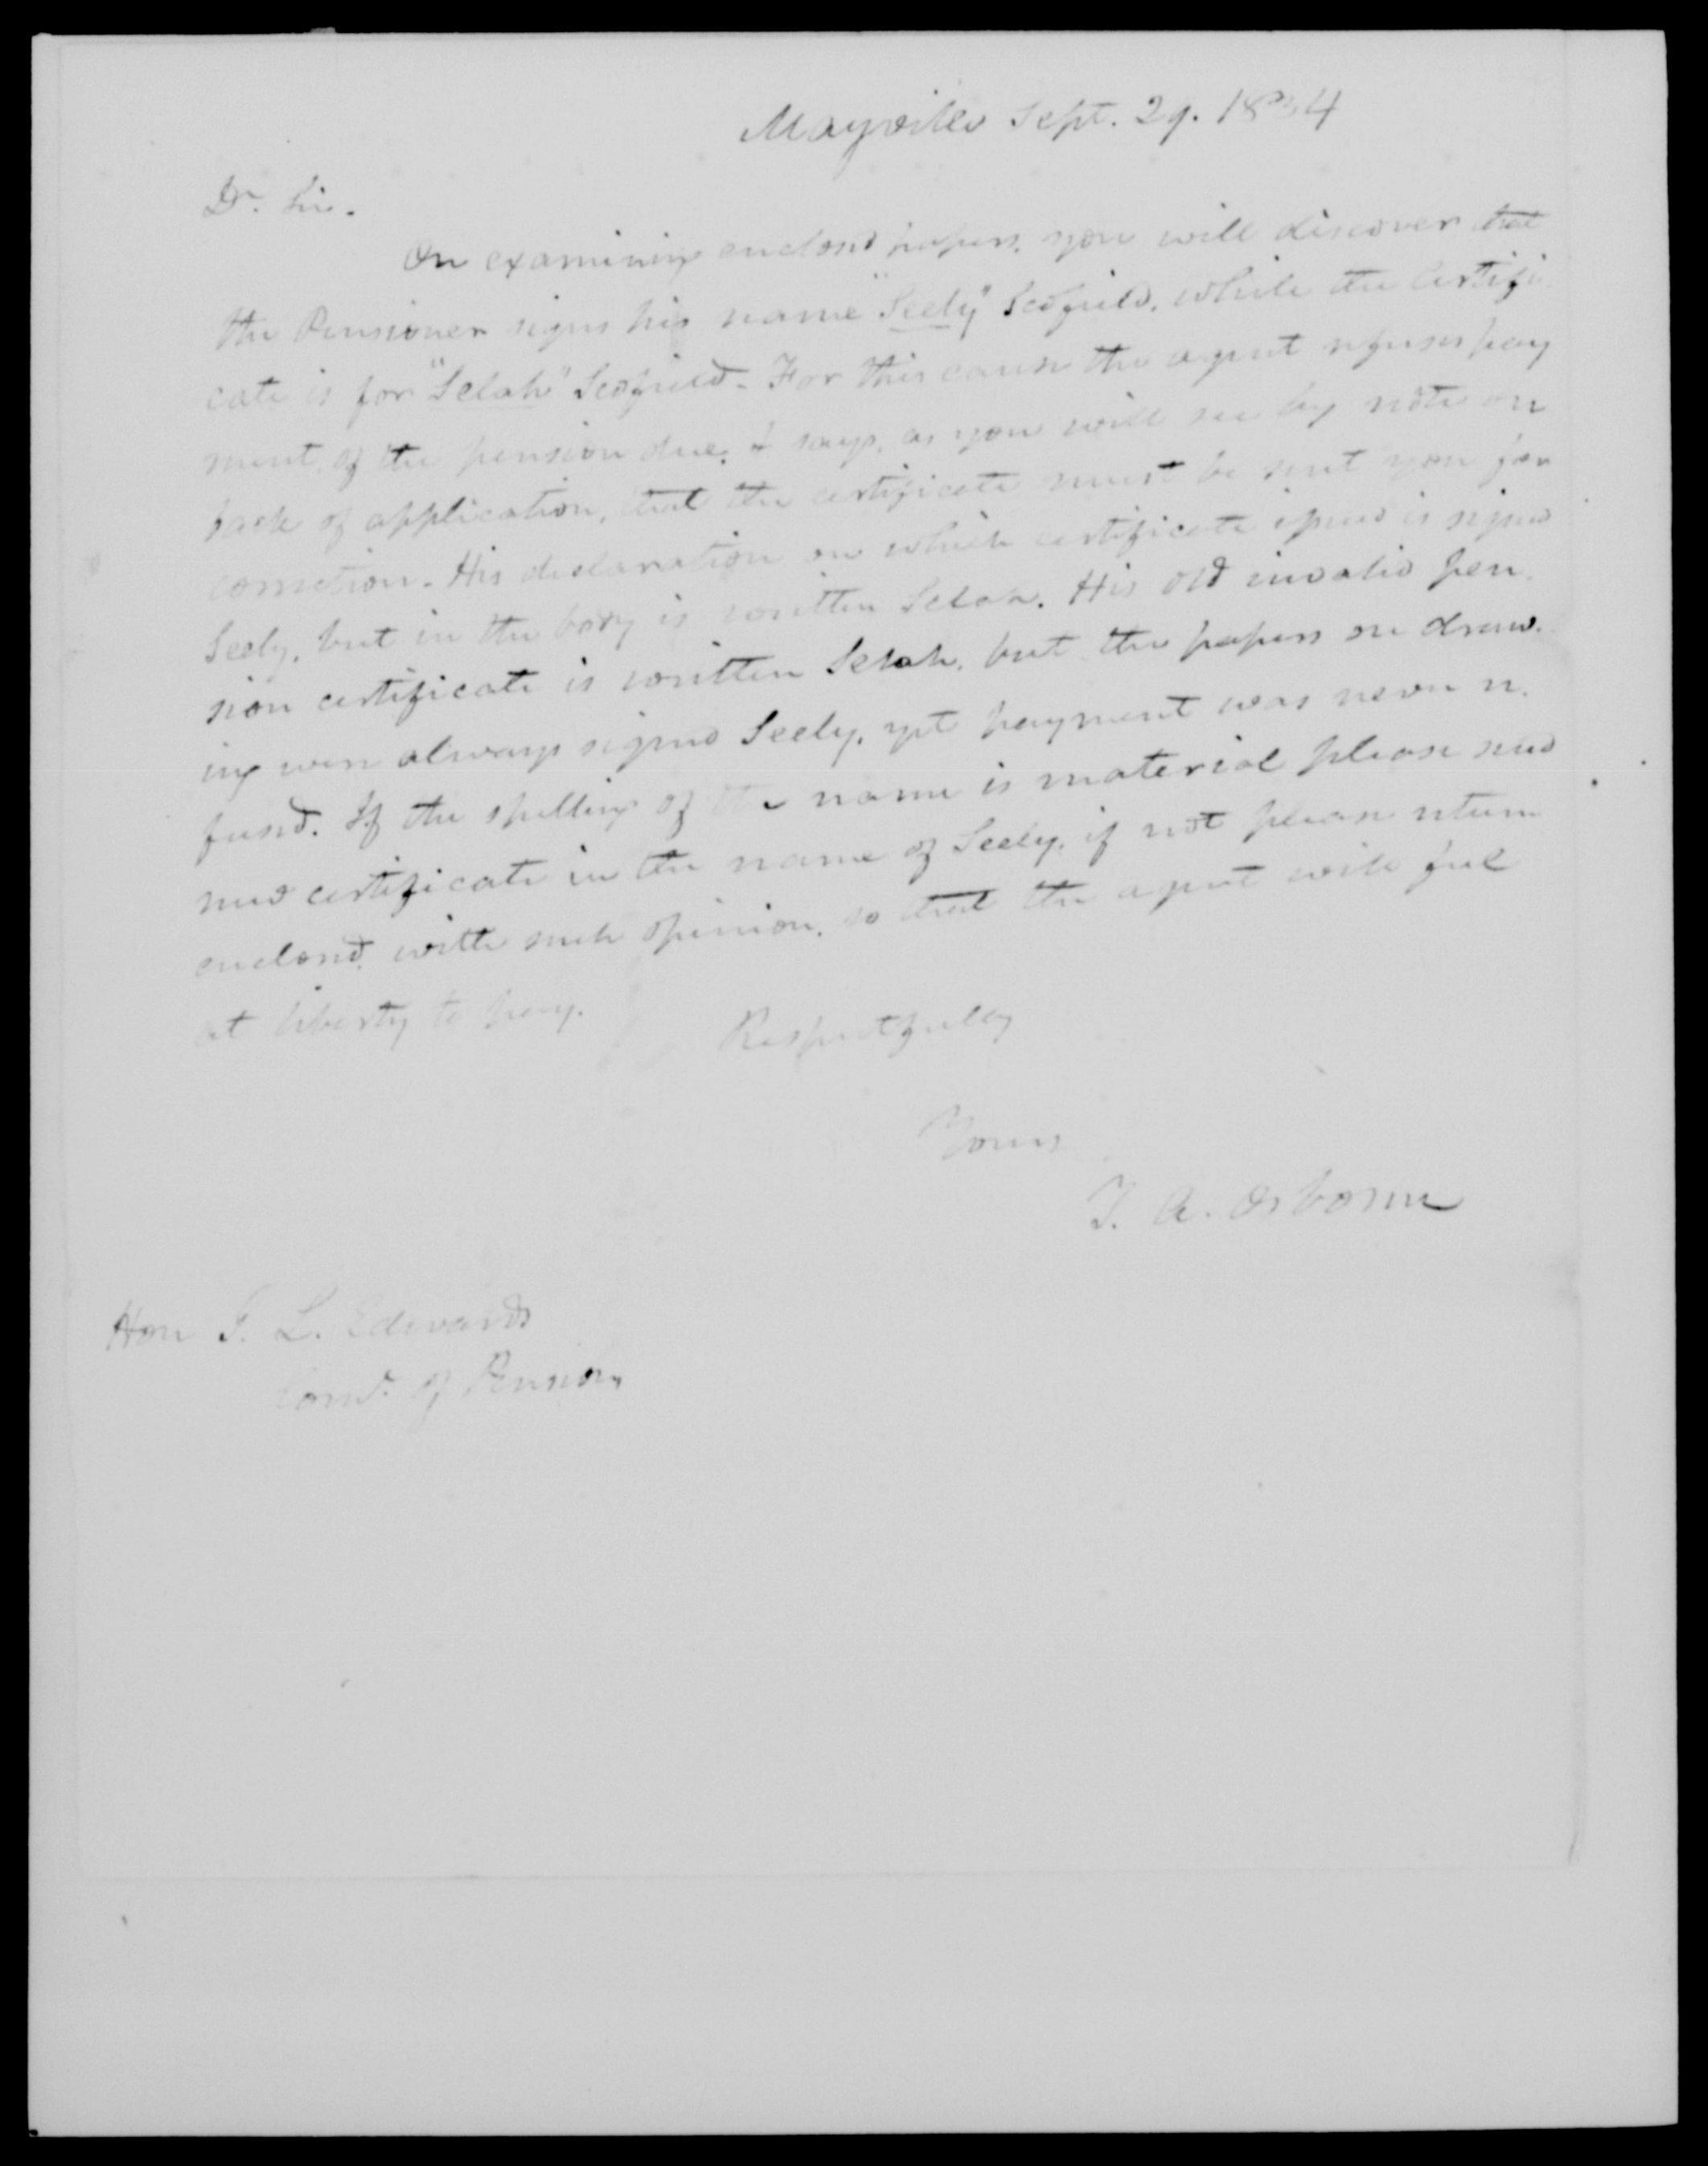Mayville Sept. 29. 1834 
Dr. Sir
On examining enclosed papers, you will discover that the Pensioner signed his name “Seely” Scofield, while the certificate is for "Selah” Scofield.   For this cause the agent refuses payment of the pension due & says, as you will see by notion back of application, that the certificate must be sent you for correction. His declaration on which certificate issued is signed Seely, but in the body is written Selah. His old invalid pension certificate is written Selah, but the papers in drawing were always signed Seely, yet payment was never found. If the spelling of the name is material please issue certificate in the name of Seely,  if not please return same with such opinion, so that the agent will feel at liberty to pay. 
Respectfully Yours T. A. Osborne
Hon J. L. Edwards Comr of Pension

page: 29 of 36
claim: survivor's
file: S. 10,004, for Seely Scofield, Connecticut